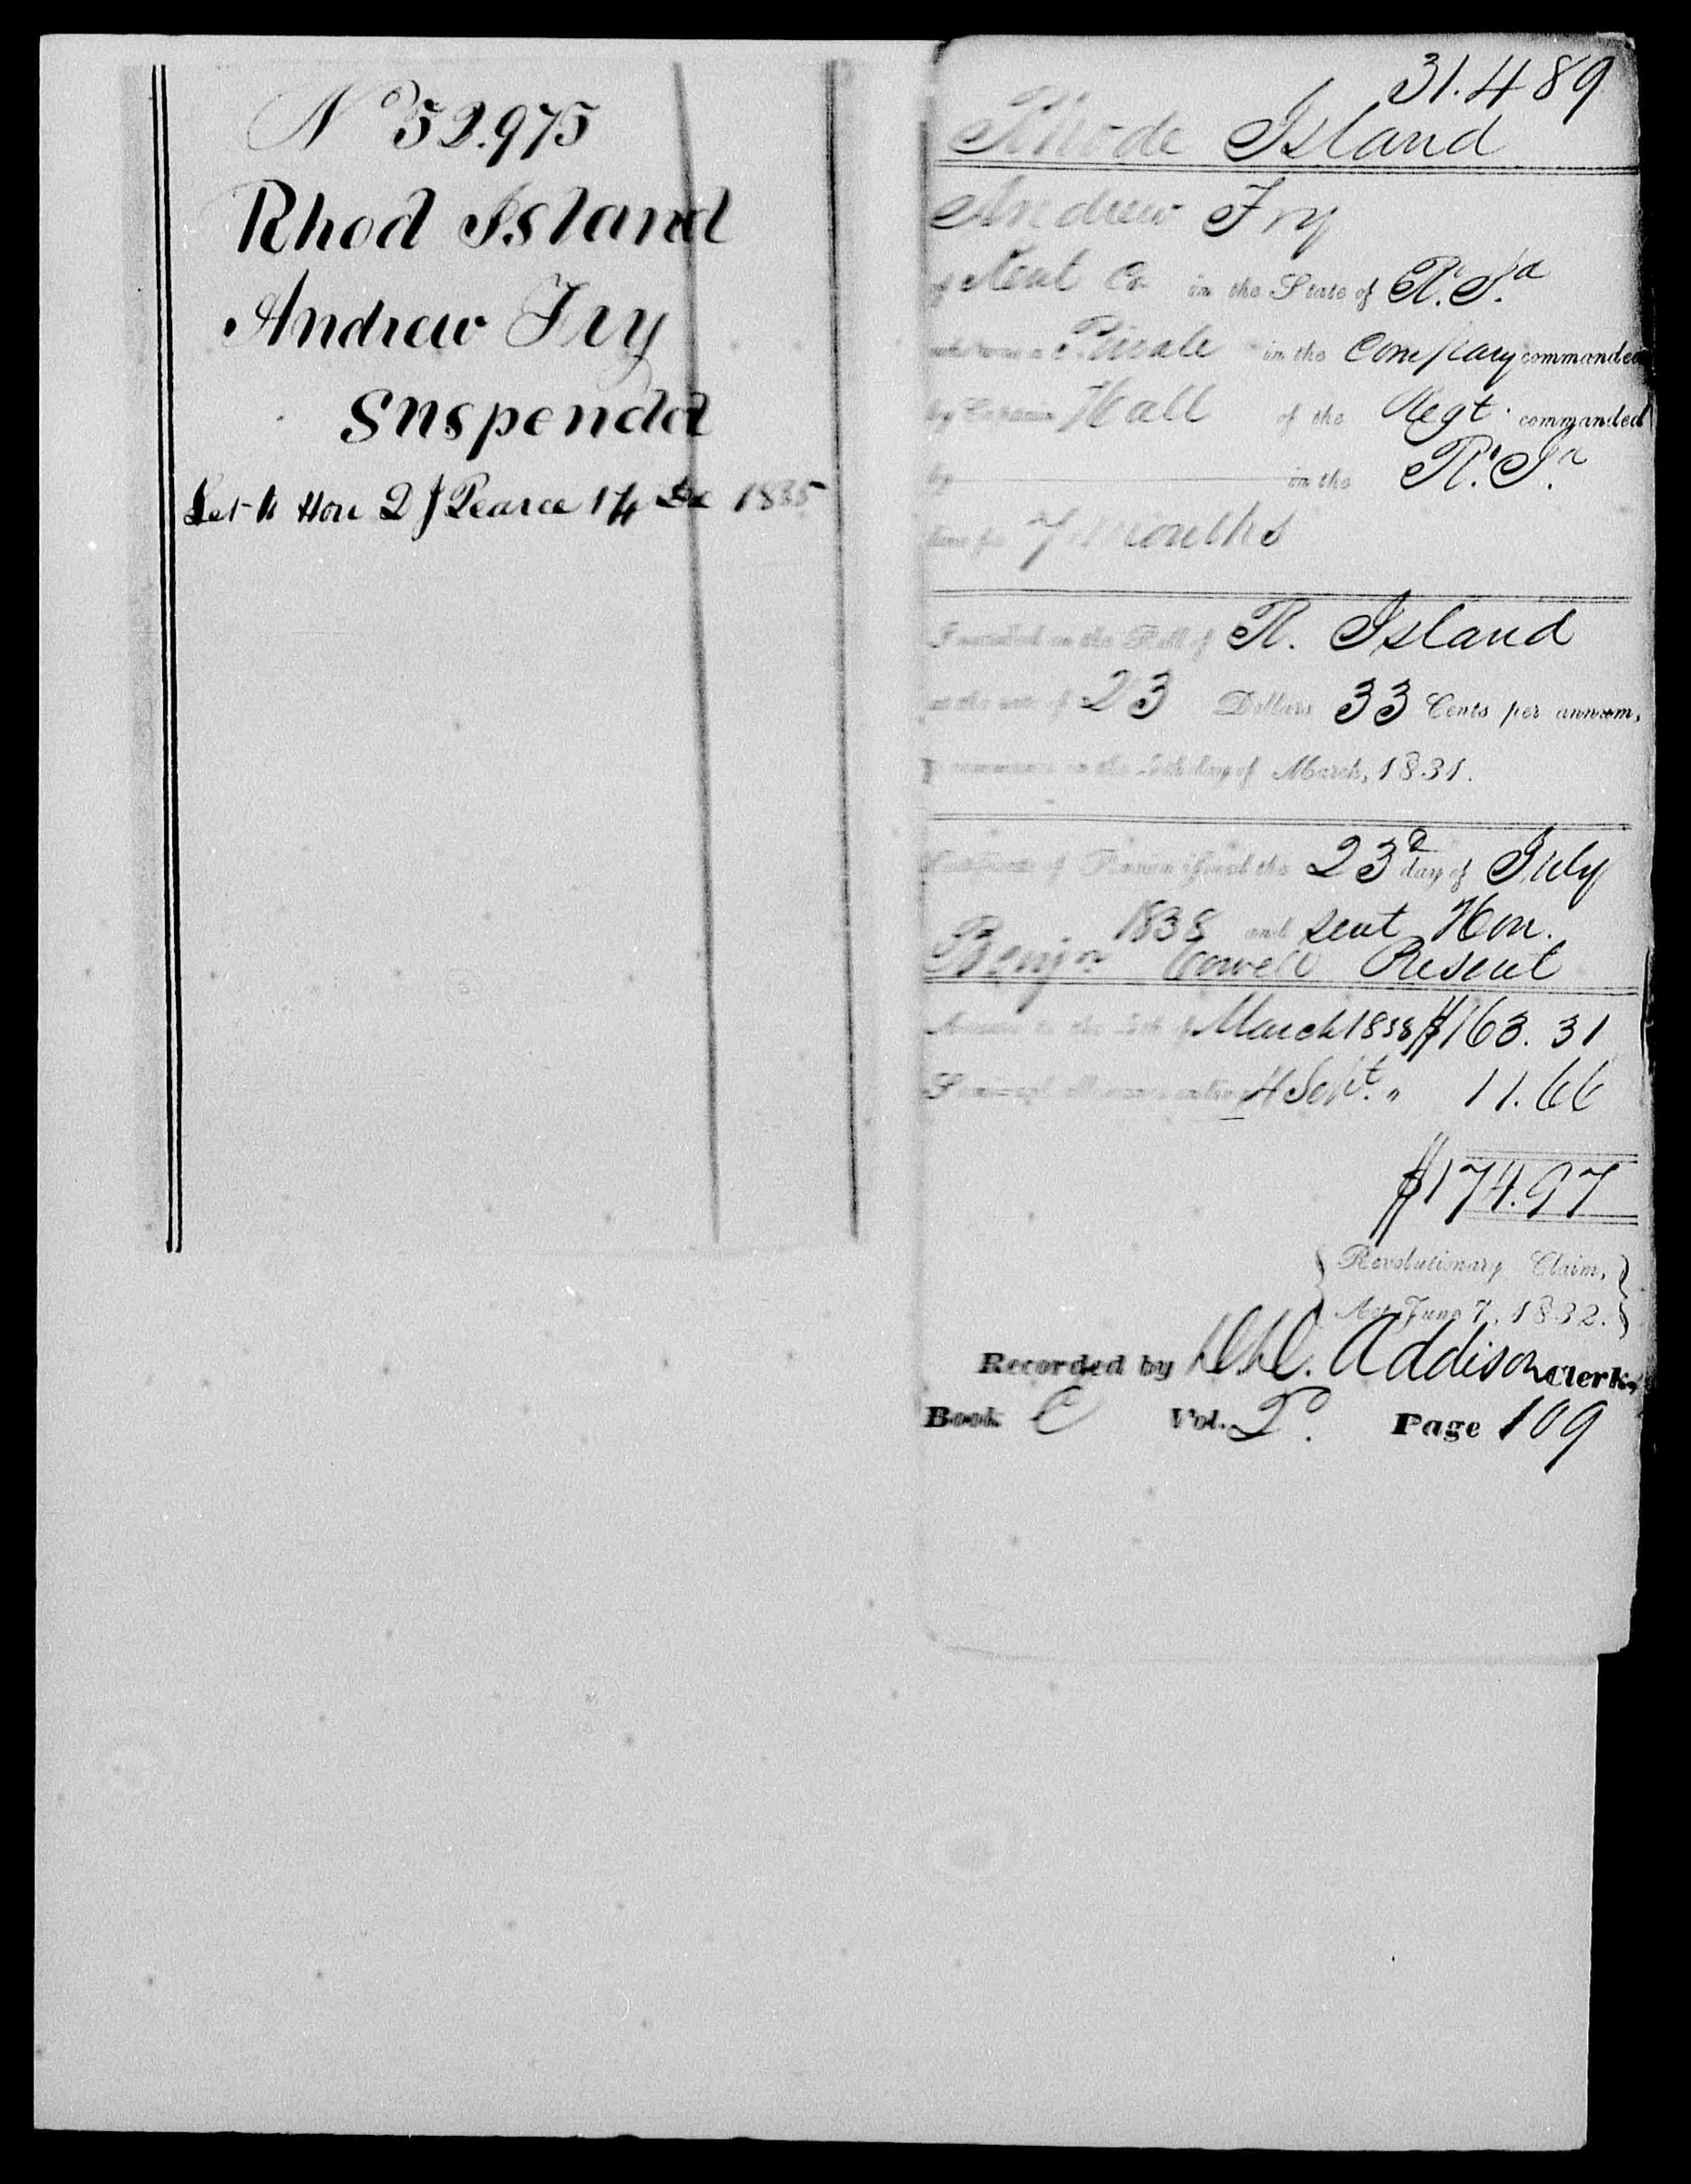No 32.975
Rhode Island
Andrew Fry
Suspended
Set to Hon J Pearce 14
1835

31.489
Rhode Island
Andrew Fry
of Kent Co in the State of R. I.
Private sale in the company commanded
by Hall of the Regt commanded
by  in the R. I.
for 7months
R. Island
23 Dollars 33 Cents per annum,
of March, 1831
23 day of July
1838 and sent Hon.
Benjn Cowell Present
March 1838 $163.31
Sept 11.66
$174.97
Revolutionary Claim,
Act June 7, 1832.
Recorded by D. Addison Clerk,
Book C Vol. 2 Page 109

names: D D Addison, Hall, Andrew Fry, Benjn Cowell, Andrew Fry, D J Pearce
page: 3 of 9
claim: survivor's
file: S. 21,760, Andrew Fry, R.I.